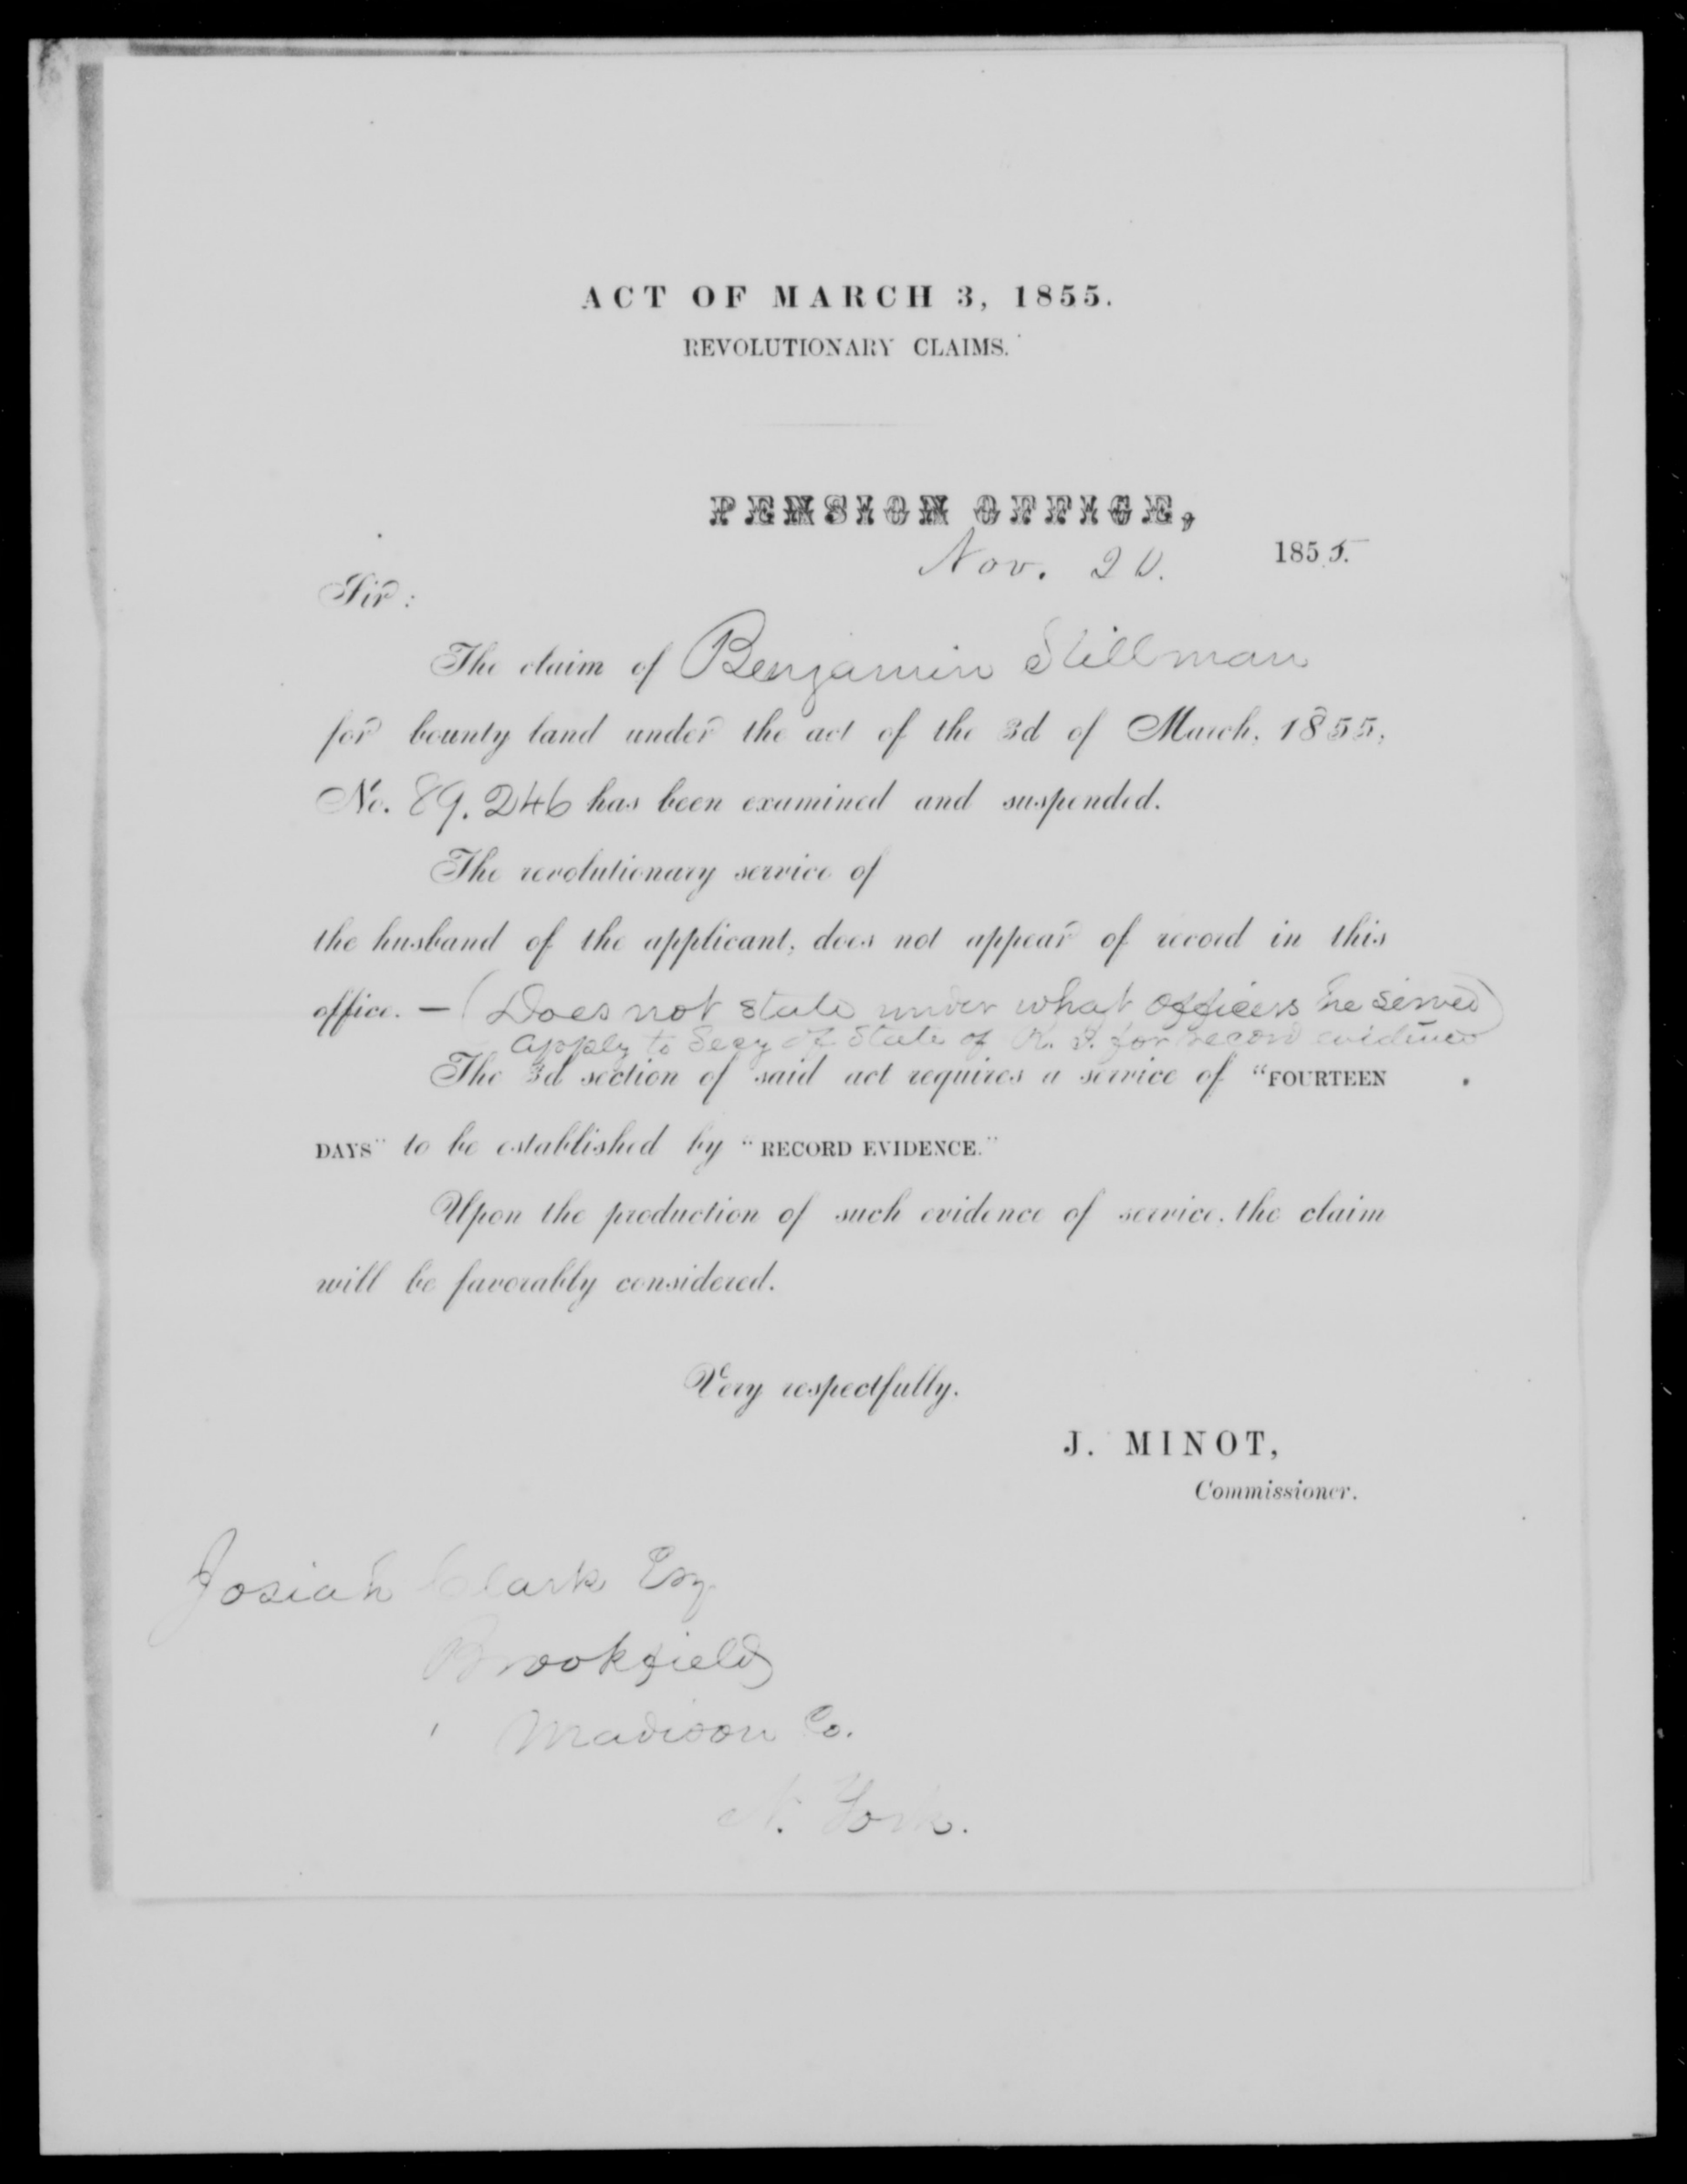ACT OF MARCH 3, 1855. 
REVOLUTIONARY CLAIMS. 
PENSION OFFICE, 
Nov. 20 1855. 
Sir:
The claim of Benjamin Stillman for bounty land under the act of the 3d of March, 1855. No. 89. 246 has been examined and suspended. 
The revolutionary service of [null] the husband of the applicant, does not appear of record in this office. -- Does not state under what officers he served apply to Secy of State of R. I. for record evidence)
The 3d section of said act requires a service of "FOURTEEN DAYS" to be established by "RECORD EVIDENCE.”
Upon the production of such evidence of service, the claim will be favorably considered.
Very respectfully
J. MINOT,
Commissioner.
 
Josiah Clark Esq 
Brookfield 
Madison Co 
N. York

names: Benjamin Stillman; J Minot; Josiah Clark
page: 24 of 29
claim: bounty land warrant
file: B.L.Wt.47987-160-55, for Benjamin Stillman, Rhode Island